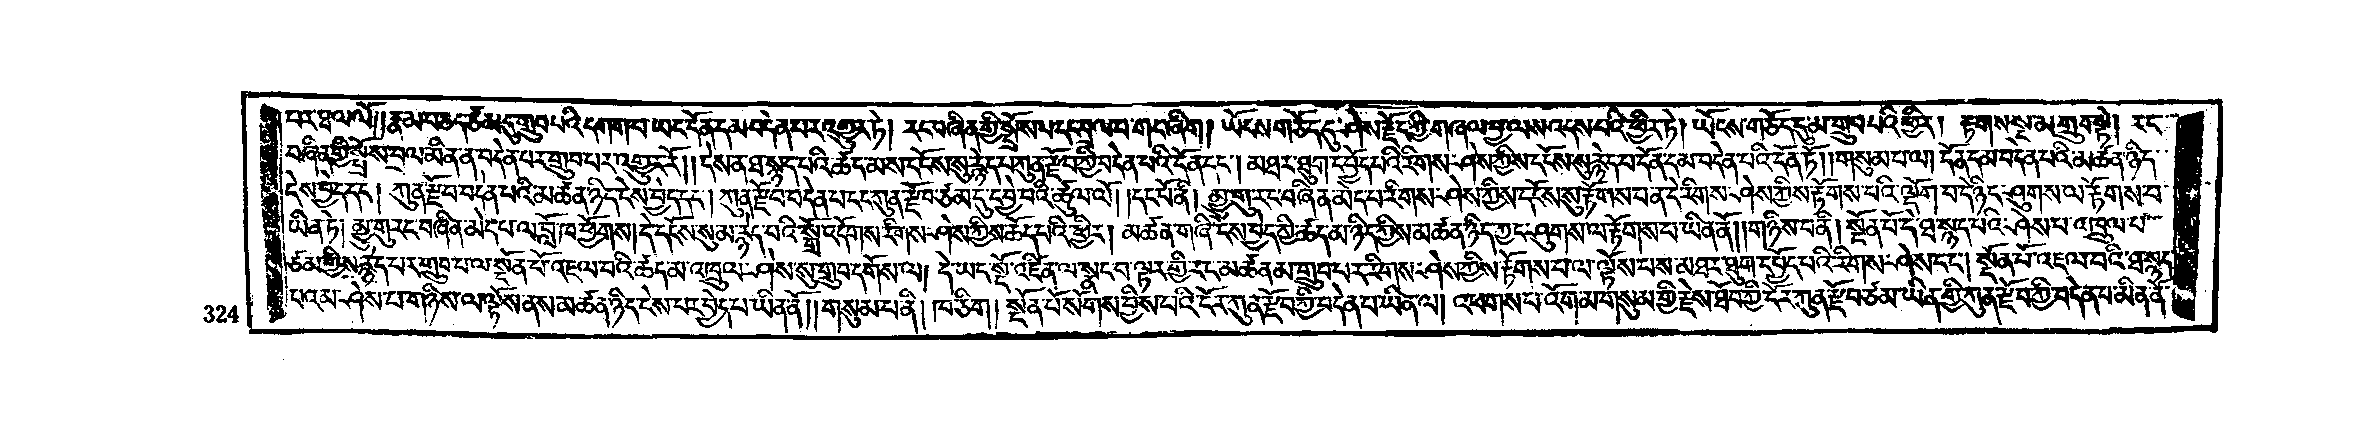པར་ཐལ་ལོ། །རྣམ་པ་ཅད་ཙམ་དུ་གྲུབ་པའི་དགག་པ་ཡང་དོན་དམ་བདེན་པར་འགྱུར་ཏེ། རང་བཞིན་གྱི་སྤྲོས་པ་དང་བྲལ་བ་གང་ཞིག །ཡོངས་གཅོད་དུ་ཤེས་རྗོད་ཀྱི་གཞལ་བྱ་ལས་འདས་པའི་ཕྱིར་ཏེ། ཡོངས་གཅོད་དུ་མ་གྲུབ་པའི་ཕྱིར། རྟགས་སྔ་མ་གྲུབ་སྟེ། རང་
བཞིན་གྱི་སྤྲོས་བྲལ་མིན་ན་བདེན་པར་གྲུབ་པར་འགྱུར་རོ། །དེས་ན་ཐ་སྙད་པའི་ཚད་མས་དངོས་སུ་རྙེད་པ་ཀུན་རྫོབ་ཀྱི་བདེན་པའི་དོན་དང་། མཐར་ཐུག་དཔྱོད་པའི་རིགས་ཤེས་ཀྱིས་དངོས་སུ་རྙེད་པ་དོན་དམ་བདེན་པའི་དོན་ཏོ། །གསུམ་པ་ལ། དོན་དམ་བདེན་པའི་མཚན་ཉིད་
ངེས་བྱེད་དང་། ཀུན་རྫོབ་བདེན་པའི་མཚན་ཉིད་ངེས་བྱེད་དང་། ཀུན་རྫོབ་བདེན་པ་དང་ཀུན་རྫོབ་ཙམ་དུ་དབྱེ་བའི་ཚུལ་ལོ། །དང་པོ་ནི། མྱུ་གུ་རང་བཞིན་མེད་པ་རིགས་ཤེས་ཀྱིས་དངོས་སུ་རྟོགས་པ་ན་དེ་རིགས་ཤེས་ཀྱིས་རྟོགས་པའི་ལྡོག་པ་དེ་ཉིད་ཤུགས་ལ་རྟོགས་པ་
ཡིན་ཏེ། མྱུ་གུ་རང་བཞིན་མེད་པ་ལ་བློ་ཁ་ཕྱོགས། དེ་དངོས་སུ་མ་རྙེད་པའི་སྒྲོ་འདོགས་རིགས་ཤེས་ཀྱིས་ཆོད་པའི་ཕྱིར། མཚན་གཞི་ངེས་བྱེད་ཀྱི་ཚད་མ་ཉིད་ཀྱིས་མཚན་ཉིད་ཀྱང་ཤུགས་ལ་རྟོགས་པ་ཡིན་ནོ། །གཉིས་པ་ནི། སྔོན་པོ་དེ་ཐ་སྙད་པའི་ཤེས་པ་འཁྲུལ་པ་
ཙམ་གྱིས་རྙེད་པར་གྲུབ་པ་ལ་སྔོན་པོ་འཇལ་བའི་ཚད་མ་འཁྲུལ་ཤེས་སུ་གྲུབ་དགོས་ལ། དེ་ཡང་སྔོ་འཛིན་ལ་སྣང་བ་ལྟར་གྱི་རང་མཚན་མ་གྲུབ་པར་རིགས་ཤེས་ཀྱིས་རྟོགས་པ་ལ་ལྟོས་པས་མཐར་ཐུག་དཔྱོད་པའི་རིགས་ཤེས་དང་། སྔོན་པོ་འཇལ་བའི་ཐ་སྙད་
པའམ་ཤེས་པ་གཉིས་ལ་ལྟོས་ནས་མཚན་ཉིད་ངེས་པར་བྱེད་པ་ཡིན་ནོ། །གསུམ་པ་ནི། ཁ་ཅིག །སྔོན་པོ་སོགས་བྱིས་པའི་ངོར་ཀུན་རྫོབ་ཀྱི་བདེན་པ་ཡིན་ལ། འཕགས་པ་འོག་མ་གསུམ་གྱི་རྗེས་ཐོབ་ཀྱི་ངོར་ཀུན་རྫོབ་ཙམ་ཡིན་གྱི་ཀུན་རྫོབ་ཀྱི་བདེན་པ་ཡིན་ནོ་